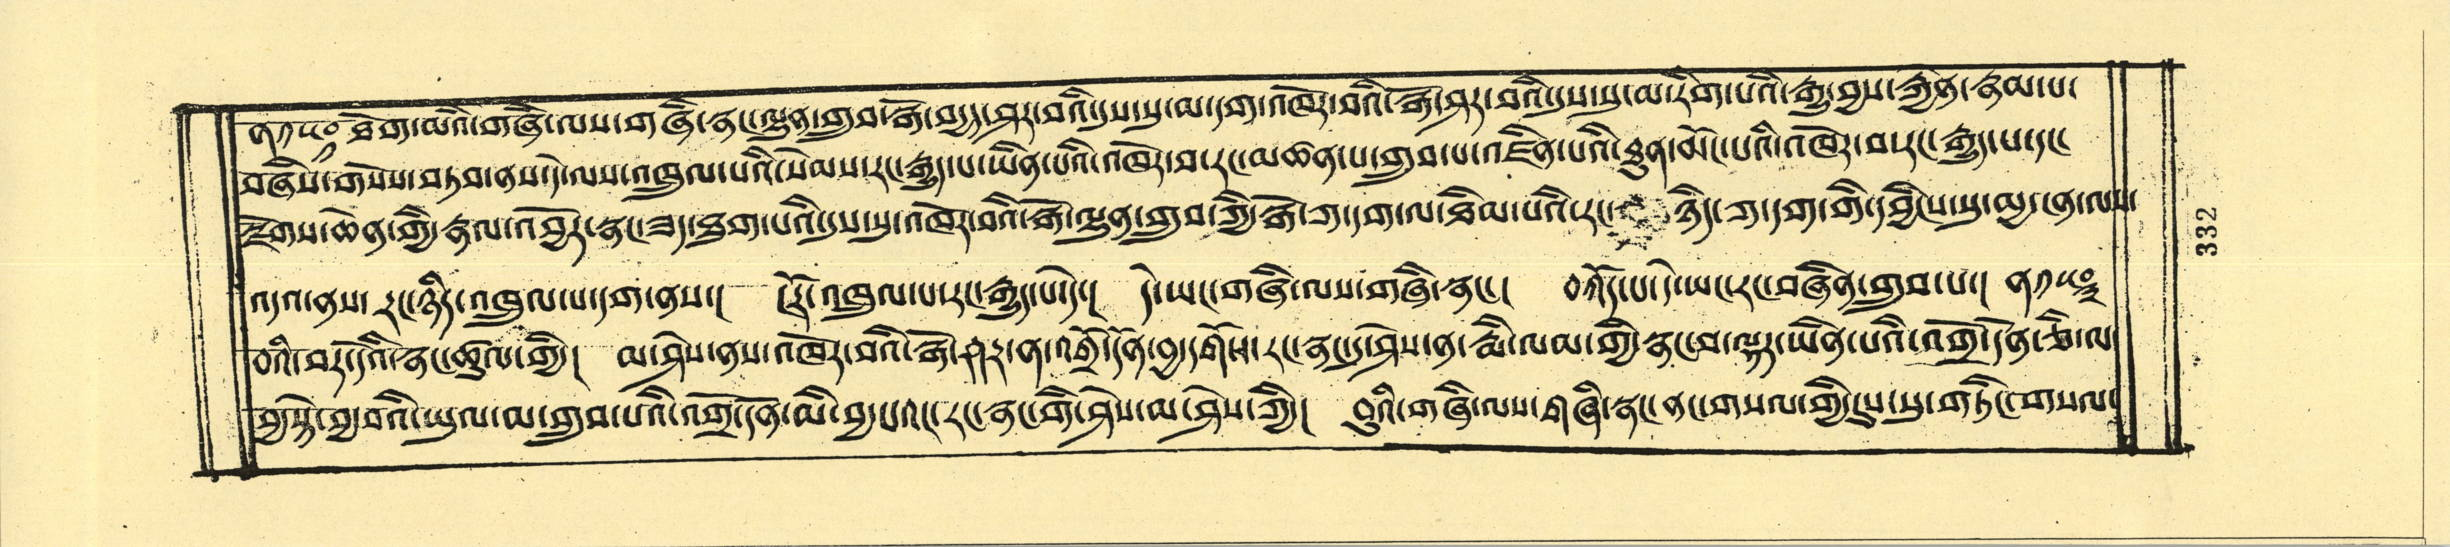ན༡༥༠།༡ ཐོག་མའི་གཞི་ལས་གཞི་སྣང་ལྷུན་གྲུབ་སྒོ་བརྒྱད་ཤར་བའི་དུས་སུ་མ་དག་འཁོར་བའི་སྒོ་ཤར་བའི་དུས་སུ་མ་རིག་པའི་རྒྱུ་བྱས་རྐྱེན་རྣམ་པ་
བཞིས་གསོས་བཏབ་ནས་དེ་ལས་འཁྲུལ་པའི་སེམས་རང་རྒྱུད་པ་ཡིན་པའི་འཁོར་བ་རང་མཚན་པ་གྲུབ་པ་འཛིན་པའི་ ༼ཐུན་མོང་པའི་༽འཁོར་བ་རང་རྒྱུད་པ་དང་
སྫོགས་ཆེན་གྱི་རྣལ་འབྱོར་སྣང་ཟད་ཐུག་པའི་དུས་སུ་འཁོར་བའི་སྒོ་ལྷུན་གྲུབ་ཀྱི་སྒོ་ཀ་དག་ལ་ཐིམ་པའི་རང་ཉིད་ཀ་དག་གི་དབྱིངས་སུ་མྱ་ངན་ལས་
འདའ་ནས་ ༼རང་ཉིད་༽འཁྲུལ་པ་དག་ནས། ༼ངོར་༽འཁྲུལ་པ་རང་རྒྱུད་པ་དེ། ༼དེ་ཡང་༽གཞི་ལས་གཞི་སྣང། ༼བཀོད་པ་༽དེ་ཡང་རང་བཞིན་གྲུབ་པ། ན༡༥༠།༣ 
༼བའི་༽བར་དོའི་སྣང་ཚུལ་གྱི། མ་ཤེས་ནས་འཁོར་བའི་སྒོ་ ༼ཤར་ན་འགྲོ་དོན་བྱ་དགོས་༽རང་སྣང་དུ་ཤེས་ན་རྨི་ལམ་གྱི་སྣང་བ་ལྟར་ཡིན་པའི་འགྲོ་དོན་ཅི་ལ་
བྱེ་སྟེ་བྱ་བའི་ཡུལ་མ་གྲུབ་པའི་འགྲོ་དོན་མི་བྱ་ ༼པའང་༽རང་སྣང་གི་ཤེས་མ་ཤེས་ཀྱི། ༼བུའི་༽གཞི་ལས་ ༼གཞི་༽སྣང་ནང་གསལ་གྱི་དུས་སུ་གཏིང་གསལ་